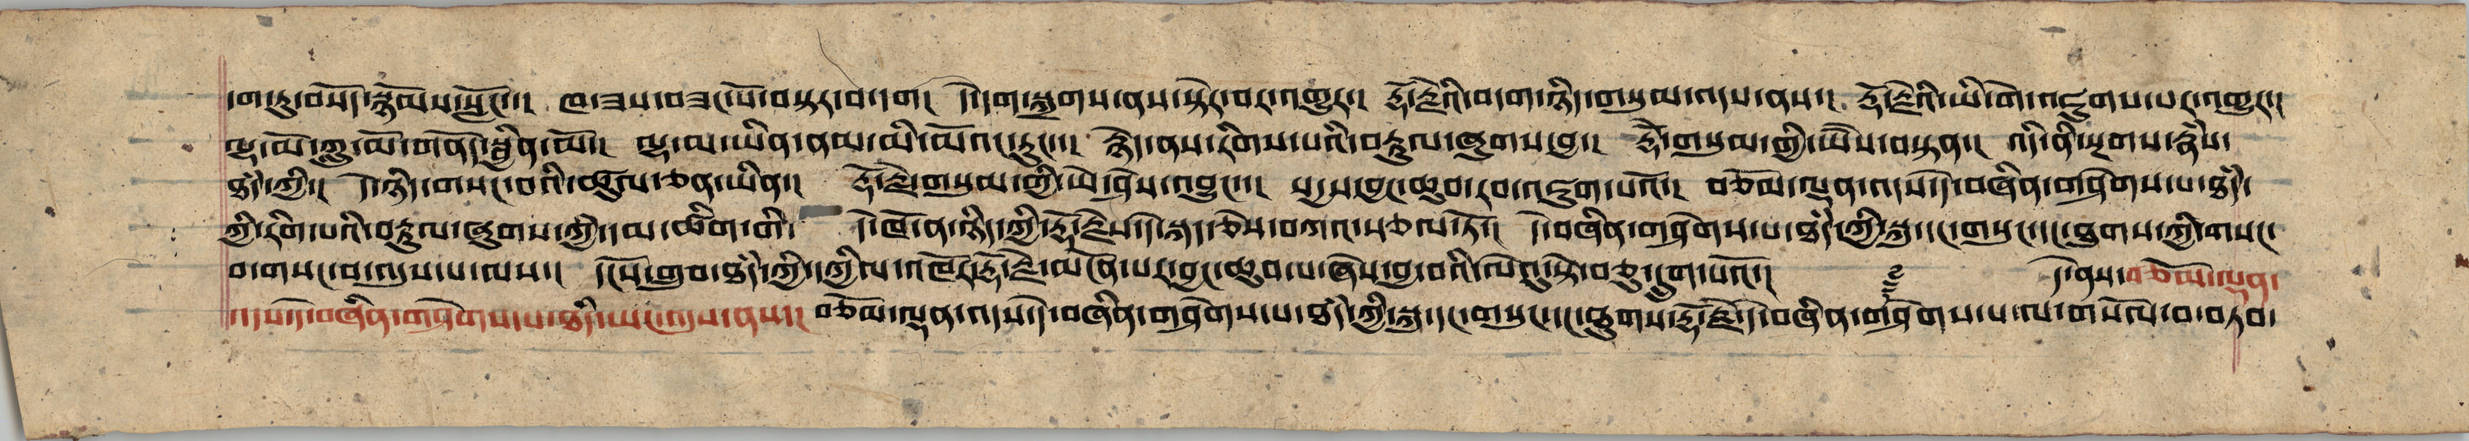དག་ཏུ་བསོད་སྙོམས་སློང་། ཁ་ཟས་བཟང་པོ་བསྟར་བ་དག། དེ་དག་སྐྲགས་ནས་སྟེར་བར་འགྱུར་། རྡོ་རྗེའི་བདག་ཉིད་གསུམ་འདས་ནས་། རྡོ་རྗེའི་ཡི་གེ་འཇུགས་པར་འགྱུར་།
ལྷ་མོ་ཀླུ་མོ་གནོད་སྦྱིན་མོ་། ལྷ་མ་ཡིན་ནམ་མི་མོའང་རུང་་། རྙེད་ནས་རིགས་པའི་བརྟུལ་ཞུགས་བྱ་། རྡོེ་གསུམ་གྱི་ཡཻས་བསྟན་། འདི་ནི་སྔགས་རྣཾས་
ཐཾད་ཀྱི་། དེ་ཉིད་གསང་བའི་ཚུལ་ཅན་ཡིན་། རྡོ་རྗེ་གསུམ་གྱི་ཡེ་ཤེས་འབྱུང་་། སདྱས་བྱང་ཆུབ་རབ་འཇུག་པའོ་། བཅོམ་ལྡན་འདས་དེ་བཞིན་གཤེགས་པ་ཐཾད་
ཀྱི་རིག་པའི་བརྟུལ་ཞུགས་ཀྱི་དམ་ཚིག་གི་ དེ་ཁོ་ན་ཉིད་ཀྱི་རྡོ་རྗེས་དེ་སྐད་ཅེས་བཀའ་སྩལ་ཏོ་། དེ་བཞིན་གཤེགས་པ་ཐཾད་ཀྱི་སྐུ་དང་གསུང་དང་ཐུགས་ཀྱི་གསང་
བ་གསང་བ་འདུས་པ་ལས་། དངོས་གྲུབ་ཐཾད་ཀྱི་དཀྱིལ་འཁོར་རྡོ་རྗེ་མངོན་པར་བྱང་ཆུབ་པ་ཞེས་བྱ་བའི་ལེའུ་སྟེ་བཅུ་དྲུག་པའོ་། ࿑ དེ་ནས་བཅོམ་ལྡན་
འདས་དེ་བཞིན་གཤེགས་པ་ཐྃད་ཡང་འདུས་ནས་། བཅོམ་ལྡན་འདས་དེ་བཞིན་གཤེགས་པ་ཐྃད་ཀྱི་སྐུ་དང་གསུང་དང་ཐུགས་རྡོ་རྗེ་དེ་བཞིན་གཤེགས་པ་ལ་གསོལ་བ་བཏབ་